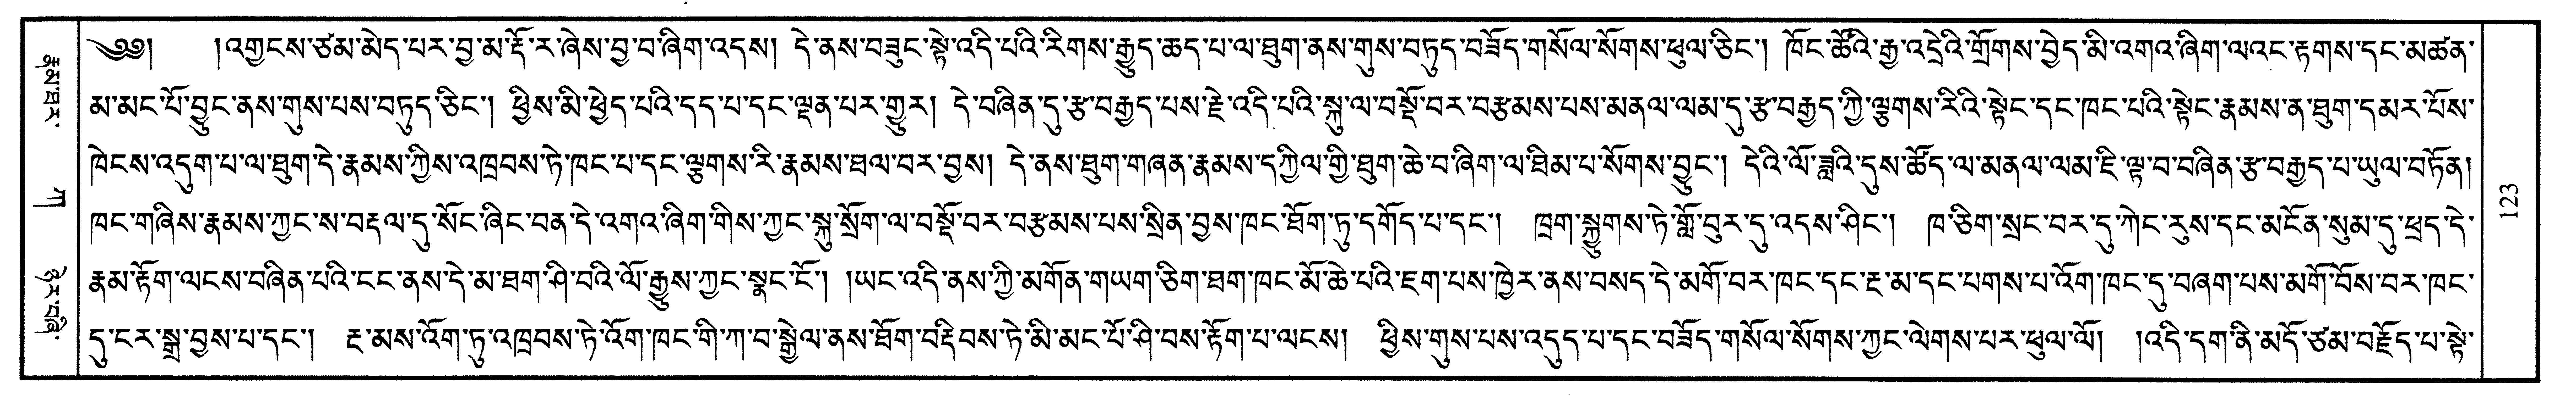༄༅། །འགྱངས་ཙམ་མེད་པར་བྱ་མ་རྡོ་ར་ཞེས་བྱ་བ་ཞིག་འདས། དེ་ནས་བཟུང་སྟེ་འདི་པའི་རིགས་རྒྱུད་ཆད་པ་ལ་ཐུག་ནས་གུས་བཏུད་བཟོད་གསོལ་སོགས་ཕུལ་ཅིང་། ཁོང་ཚོའི་རྒྱ་འདྲེའི་གྲོགས་བྱེད་མི་འགའ་ཞིག་ལའང་རྟགས་དང་མཚན་
མ་མང་པོ་བྱུང་ནས་གུས་པས་བཏུད་ཅིང་། ཕྱིས་མི་ཕྱེད་པའི་དད་པ་དང་ལྡན་པར་གྱུར། དེ་བཞིན་དུ་རྩ་བརྒྱད་པས་རྗེ་འདི་པའི་སྐུ་ལ་བསྔོ་བར་བརྩམས་པས་མནལ་ལམ་དུ་རྩ་བརྒྱད་ཀྱི་ལྕགས་རིའི་སྟེང་དང་ཁང་པའི་སྟེང་རྣམས་ན་ཐུག་དམར་པོས་
ཁེངས་འདུག་པ་ལ་ཐུག་དེ་རྣམས་ཀྱིས་འཁྲབས་ཏེ་ཁང་པ་དང་ལྕགས་རི་རྣམས་ཐལ་བར་བྱས། དེ་ནས་ཐུག་གཞན་རྣམས་དཀྱིལ་གྱི་ཐུག་ཆེ་བ་ཞིག་ལ་ཐིམ་པ་སོགས་བྱུང་། དེའི་ལོ་ཟླའི་དུས་ཚོད་ལ་མནལ་ལམ་ཇི་ལྟ་བ་བཞིན་རྩ་བརྒྱད་པ་ཡུལ་བཏོན།
ཁང་གཞིས་རྣམས་ཀྱང་ས་བརྡལ་དུ་སོང་ཞིང་བན་དེ་འགའ་ཞིག་གིས་ཀྱང་སྐུ་སྲོག་ལ་བསྔོ་བར་བརྩམས་པས་སྲིན་བྱས་ཁང་ཐོག་ཏུ་དགོད་པ་དང་། ཁྲག་སྐྱུགས་ཏེ་གློ་བུར་དུ་འདས་ཤིང་། ཁ་ཅིག་སྲང་བར་དུ་ཀེང་རུས་དང་མངོན་སུམ་དུ་ཕྲད་དེ་
རྣམ་རྟོག་ལངས་བཞིན་པའི་ངང་ནས་དེ་མ་ཐག་ཤི་བའི་ལོ་རྒྱུས་ཀྱང་སྣང་ངོ། །ཡང་འདི་ནས་ཀྱི་མགོན་གཡག་ཅིག་ཐག་ཁང་མོ་ཆེ་པའི་ཇག་པས་ཁྱེར་ནས་བསད་དེ་མགོ་བར་ཁང་དང་རྔ་མ་དང་པགས་པ་འོག་ཁང་དུ་བཞག་པས་མགོ་བོས་བར་ཁང་
དུ་ངར་སྒྲ་བྱས་པ་དང་། རྔ་མས་འོག་ཏུ་འཁྲབས་ཏེ་འོག་ཁང་གི་ཀ་བ་སྒྱེལ་ནས་ཐོག་བརྡིབས་ཏེ་མི་མང་པོ་ཤི་བས་རྟོག་པ་ལངས། ཕྱིས་གུས་པས་འདུད་པ་དང་བཟོད་གསོལ་སོགས་ཀྱང་ལེགས་པར་ཕུལ་ལོ། །འདི་དག་ནི་མདོ་ཙམ་བརྗོད་པ་སྟེ་